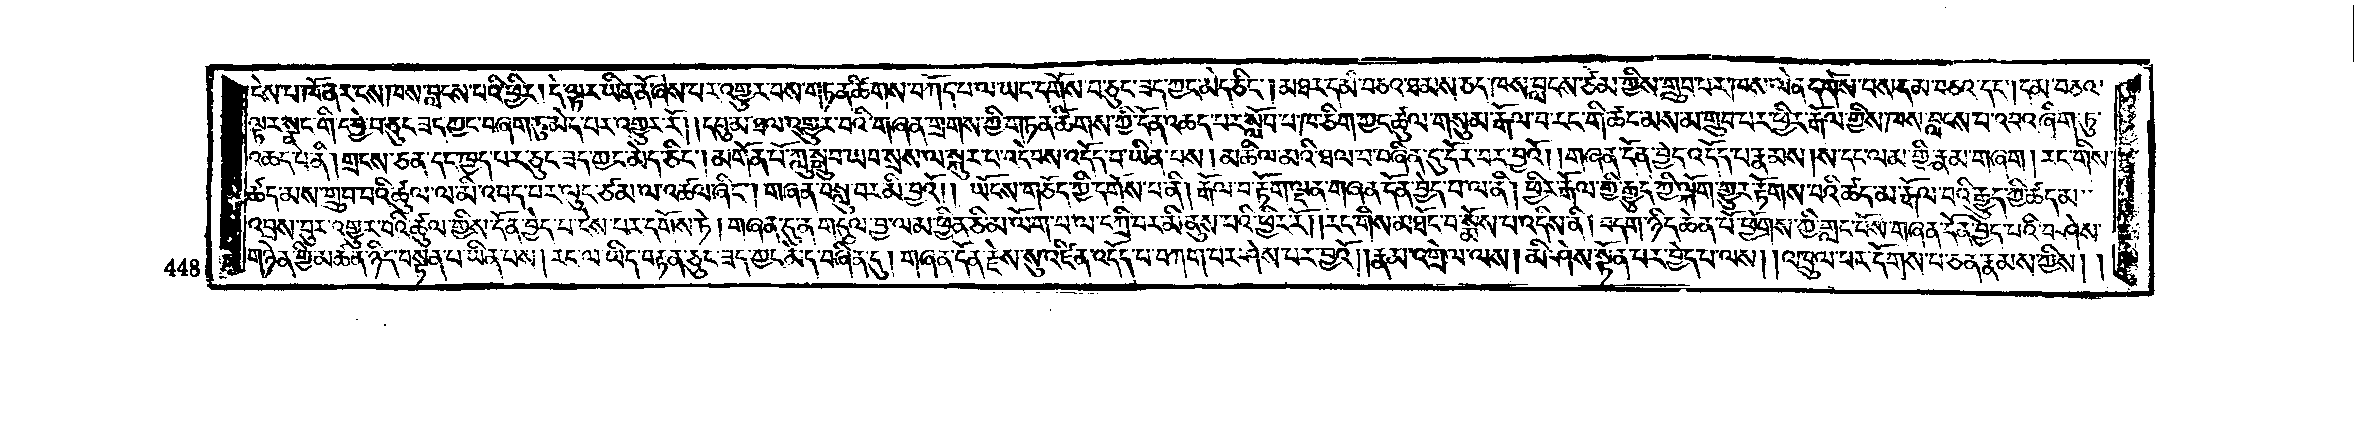ངེས་པ་ཁོ་ནར་ངས་ཁས་བླངས་པའི་ཕྱིར། དེ་ལྟར་ཡིན་ནོ་ཞེས་པར་འགྱུར་པས་གཏན་ཚིགས་བཀོད་པ་ལ་ཡང་དགོས་པ་ཅུང་ཟད་ཀྱང་མེད་ཅིང་། མཐར་དམ་བཅའ་ཐམས་ཅད་ཁས་བླངས་ཙམ་གྱིས་གྲུབ་པར་ཁས་ལེན་དགོས་པས་དམ་བཅའ་དང་། དམ་བཅའ་
ལྟར་སྣང་གི་དབྱེ་བ་ཅུང་ཟད་ཀྱང་བཞག་ཏུ་མེད་པར་འགྱུར་རོ། །དབུ་མ་ཐལ་འགྱུར་བའི་གཞན་གྲགས་ཀྱི་གཏན་ཚིགས་ཀྱི་དོན་འཆད་པར་སློབ་པ་ཁ་ཅིག་ཀྱང་ཚུལ་གསུམ་རྒོལ་བ་རང་གི་ཚང་མས་མ་གྲུབ་པར་ཕྱིར་རྒོལ་གྱིས་ཁས་བླངས་པ་འབའ་ཞིག་ཏུ་
འཆད་པ་ནི། གྲངས་ཅན་དང་ཁྱད་པར་ཅུང་ཟད་ཀྱང་མེད་ཅིང་། མགོན་པོ་ཀླུ་སྒྲུབ་ཡབ་སྲས་ལ་སྐུར་པ་འདེབས་འདོད་པ་ཡིན་པས། མཆིལ་མའི་ཐལ་པ་བཞིན་དུ་དོར་བར་བྱའོ། །གཞན་དོན་བྱེད་འདོད་པ་རྣམས། ས་དང་ལམ་གྱི་རྣམ་གཞག །རང་གིས་
ཚད་མས་གྲུབ་པའི་ཚུལ་ལ་མི་འབད་པར་ལུང་ཙམ་ལ་འཚལ་ཞིང་། གཞན་བསླུ་བར་མི་བྱའོ། །ཡོངས་གཅོད་ཀྱི་དགོས་པ་ནི། རྒོལ་བ་རྟོག་ལྡན་གཞན་དོན་བྱེད་པ་ལ་ནི། ཕྱིར་རྒོལ་གྱི་རྒྱུད་ཀྱི་ལྐོག་གྱུར་རྟོགས་པའི་ཚད་མ་རྒོལ་བའི་རྒྱུད་ཀྱི་ཚད་མ་
འབྲས་བུར་འགྱུར་བའི་ཚུལ་གྱིས་དོན་བྱེད་པ་ངེས་པར་དགོས་ཏེ། གཞན་དུ་ན་གདུལ་བྱ་ལམ་ཕྱིན་ཅི་མ་ལོག་པ་ལ་དཀྲི་བར་མི་ནུས་པའི་ཕྱིར་རོ། །རང་གིས་མཐོང་བ་སྨོས་པ་འདིས་ནི། བདག་ཉིད་ཆེན་པོ་ཕྱོགས་ཀྱི་གླང་པོས་ཞན་དོན་བྱེད་པའི་བཤེས་
གཉེན་གྱི་མཚན་ཉིད་བསྟན་པ་ཡིན་པས། རང་ལ་ཡིད་བརྟན་ཅུང་ཟད་ཀྱང་མེད་བཞིན་དུ། གཞན་དོན་རྗེས་སུ་འཛིན་འདོད་པ་བཀག་པར་ཤེས་པར་བྱའོ། །རྣམ་འགྲེལ་ལས། མི་ཤེས་སྟོན་པར་བྱེད་པ་ལས། །འཁྲུལ་པར་དོགས་པ་ཅན་རྣམས་ཀྱིས། །